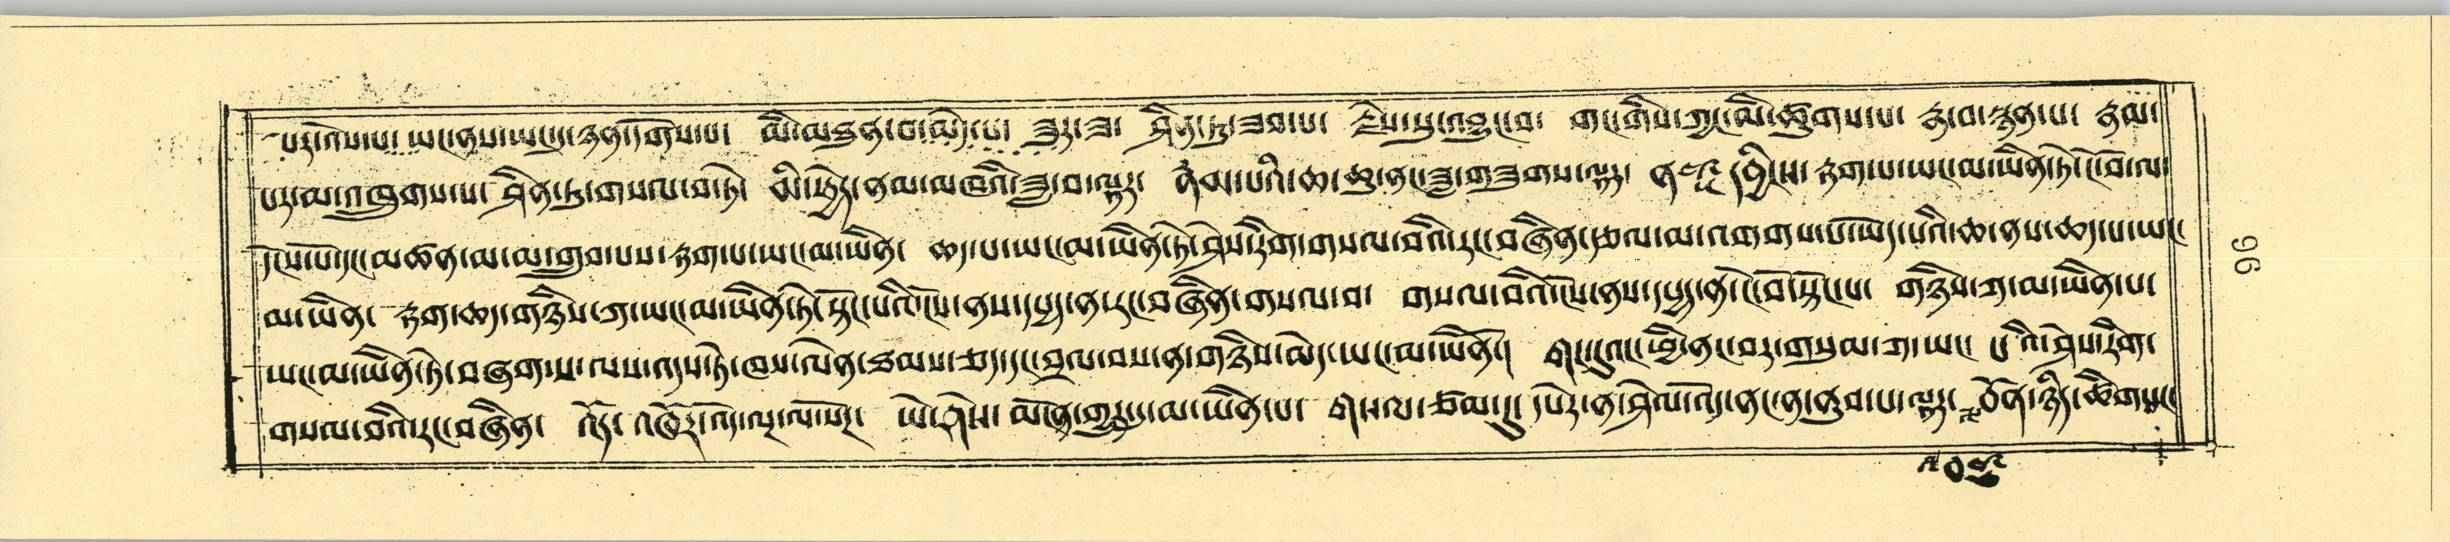པར་འོས་པ་ཡང་ནས་ཡང་དུ་ཉན་དགོས་པ་ མི་མཐུན་པ་མེད་པ་ ཟུར་ཟ་ ཤིན་ཏུ་ཟབ་པ་ རྗེས་སུ་འབྱུང་བ་ གང་གིས་ཀྱང་མི་ཚུགས་པ་ རྣ་བ་སྙན་པ་ རྣམ་
པར་མ་འཁྲུགས་པ་ ཤིན་ཏུ་གསལ་བ་སྟེ་ མི་ཕྱེད་ནམ་མཁའི་ཟླ་བ་ལྟར་ རྣམ་པའི་ཆ་ཆུ་ནང་ཟླ་གཟུགས་ལྟར་ ན༤༩།༥དབྱིངས་རྟག་པ་ཡང་མ་ཡིན་ཏེ་ངོ་བོ་ལ་
དངོས་པོ་དང་མཚན་མ་མ་གྲུབ་པས་རྟག་པ་ཡང་མ་ཡིན་ ཆད་པ་ཡང་མ་ཡིན་ཏེ་ཤེས་རིག་གསལ་བའི་རང་བཞིན་རྩལ་མ་འགག་པ་ཡོད་པའི་ཆ་ནས་ཆད་པ་ཡང་
མ་ཡིན་ རྟག་ཆད་གཉིས་ཀ་ཡང་མ་ཡིན་ཏེ་སྟོང་པའི་ངང་ནས་དཔྱད་ན་རང་བཞིན་གསལ་བ་ གསལ་བའི་ངོས་ནས་དཔྱད་ན་ངོ་བོ་སྟོང་པ་ གཉིས་ཀ་མ་ཡིན་པ
འང་མ་ཡིན་ཏེ་བཞག་པ་ལས་འདས་ཏེ་ཁས་ལེན་ཐམས་ཅད་དང་བྲལ་བས་ན་གཉིས་མེད་ཡང་མ་ཡིན་ནོ། གང་དུ་ཡང་ཕྱི་ནང་བར་གསུམ་ཀ་ཡང་༼པའི༽ཤེས་རིག་
གསལ་བའི་རང་བཞིན་༼འོད༽འཁོར་ལོ་ལྔ་ལ་སོགས་༼ཡེ་ཤེས༽མངོན་གྱུར་དུ་མ་ཡིན་པ་༼གསལ༽ཙམ་དུ་དཔེར་ན་ཤེལ་འོད་ནང་དུ་ནུབ་པ་ལྟར་བ༤༩།༦༼བོན་ཉིད༽ཚིག་དང་